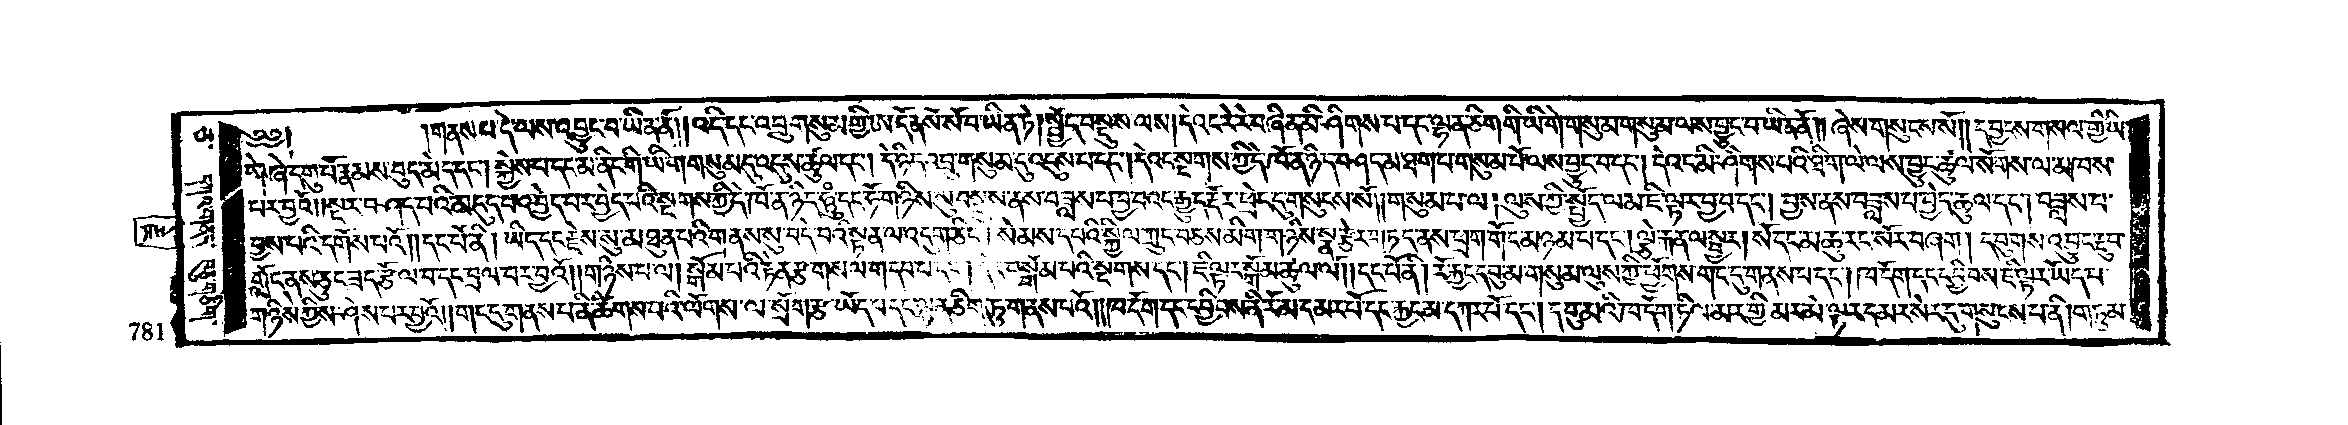༄༅། །གནས་པ་དེ་ལས་འབྱུང་བ་ཡིན་ནོ། །འདི་དང་འབྲུ་གསུམ་གྱི་ཨ་དོན་སོ་སོ་བ་ཡིན་ཏེ། སྤྱོད་བསྡུས་ལས། དེའང་རེ་རེ་བཞིན་མི་ཤིགས་པ་དང་ལྷན་ཅིག་གི་ཡི་གེ་གསུམ་གསུམ་ལས་བྱུང་བ་ཡིན་ནོ། །ཞེས་གསུངས་སོ། །དབྱངས་གསལ་གྱི་ཡི་
གེ་ཞེ་དགུ་པོ་རྣམས་བུད་མེད་དང་། སྐྱེས་པ་དང་མ་ནིང་གི་ཡི་གེ་གསུམ་དུ་འདུས་ཚུལ་དང་། དེ་ཉིད་འབྲུ་གསུམ་དུ་འདུས་པ་དང་། དེའང་སྔགས་ཀྱི་དེ་ཁོ་ན་ཉིད་བཤད་མ་ཐག་པ་གསུམ་པོ་ལས་བྱུང་བ་དང་། དེའང་མི་ཤིགས་པའི་ཐིག་ལེ་ལས་བྱུང་ཚུལ་སོགས་ལ་མཁས་
པར་བྱའོ། །སྔར་བཤད་པའི་མདུད་པ་འབྱེད་པར་བྱེད་པའི་སྔགས་ཀྱི་དེ་ཁོ་ན་ཉིད་ཧཱུཾ་དང་ཧོ་གཉིས་སུ་བསྡུས་ནས་བཟླས་པ་བྱ་བའང་རྒྱུད་རྡོར་ཕྲེང་དུ་གསུངས་སོ། །གསུམ་པ་ལ། ལུས་ཀྱི་སྤྱོད་ལམ་ཇི་ལྟར་བྱ་བ་དང་། བྱས་ནས་བཟླས་པ་བྱེད་ཚུལ་དང་། བཟླས་པ་
བྱས་པའི་དགོས་པའོ། །དང་པོ་ནི། ཡིད་དང་རྗེས་སུ་མཐུན་པའི་གནས་སུ་བདེ་བའི་སྟན་ལ་འདུག་ཅིང་། སེམས་དཔའི་སྐྱིལ་ཀྲུང་བཅས་མིག་གཉིས་སྣ་རྩེར་གཏད་ནས་ཕྲག་གོང་མཉམ་པ་དང་། ལྕེ་རྐན་ལ་སྦྱར། སོ་དང་མཆུ་རང་སོར་བཞག །དབུགས་འབྱུང་རྔུབ་
གློད་ནས་ཅུང་ཟད་རྩོལ་བ་དང་བྲལ་བར་བྱའོ། །གཉིས་པ་ལ། སྒོམ་པའི་རྟེན་རྩ་གསལ་གདབ་པ་དང་། དེར་བསྒོམ་པའི་སྔགས་དང་། ཇི་ལྟར་སྒོམ་ཚུལ་ལོ། །དང་པོ་ནི། རོ་རྐྱང་དབུ་མ་གསུམ་ལུས་ཀྱི་ཕྱོགས་གང་དུ་གནས་པ་དང་། ཁ་དོག་དང་དབྱིབས་ཇི་ལྟར་ཡོད་པ་
གཉིས་ཀྱིས་ཤེས་པར་བྱའོ། །གང་དུ་གནས་པ་ནི་ཚིགས་པའི་ལོགས་ལ་སྲོག་རྩ་ཡོད་པ་དང་ལྷན་ཅིག་ཏུ་གནས་པའོ། །ཁ་དོག་དང་དབྱིབས་ནི་རོ་མ་དམར་པོ་དང་རྐྱང་མ་དཀར་པོ་དང་། དབུ་མའི་ཁ་དོག་ཏིལ་མར་གྱི་མར་མེ་ལྟར་དམར་སེར་དུ་གསུངས་པ་ནི། གཏུམ་